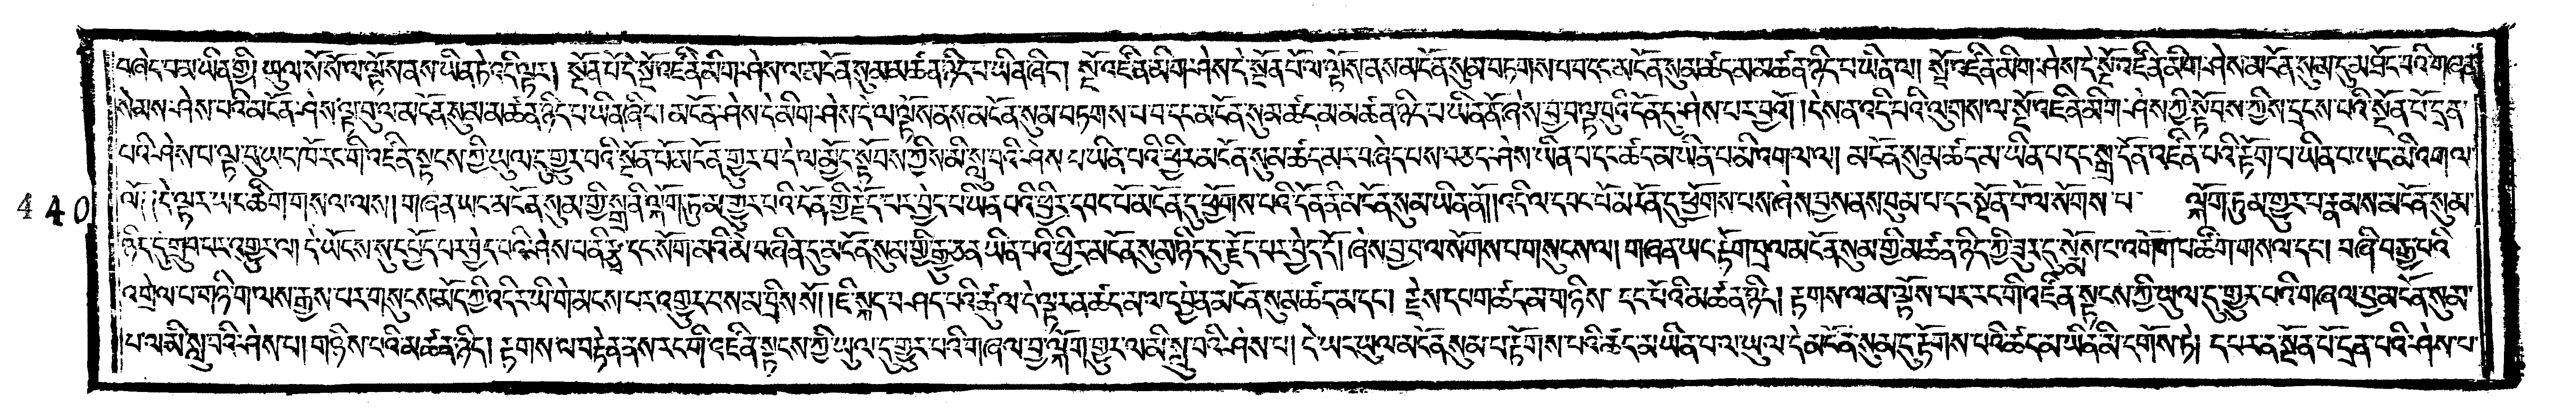བཞེད་བམ་ཡིན་གྱི། ཡུལ་སོ་སོ་ལ་ལྟོས་ནས་ཡིན་ཏེ་འདི་ལྟར་ཁ་སྔོན་པོ་དེ་སྔོ་འཛིན་མིག་ཤེས་ལ་མངོན་སུམ་མཚན་ཉིད་པ་ཡིན་ཞིང་། སྔོ་འཛིན་མིག་ཤེས་དེ་སྔོན་པོ་ལ་ལྟོས་ནས་མངོན་སུམ་བཏགས་པ་བ་དང་མངོན་སུམ་ཚད་མ་མཚན་ཉིད་བ་ཡིན་ལ། སྔོ་འཛིན་མིག་ཤེས་དེ་སྔོ་འཛིན་མིག་ཤེས་མངོན་སུམ་དུ་མཐོང་བའི་གཞན་
སེམས་ཤེས་པའི་མངོན་ཤེས་ལྟ་བུ་ལ་མངོན་སུམ་མཚན་ཉིད་པ་ཡིན་ཞིང་། མངོན་ཤེས་དེ་མིག་ཤེས་དེ་ལ་ལྟོས་ནས་མངོན་སུམ་བཏགས་པ་བ་དང་མངོན་སུམ་ཚད་མ་མཚན་ཉིད་པ་ཡིན་ནོ་ཞེས་བྱ་བ་ལྟ་བུའི་དོན་དུ་ཤེས་པར་བྱའོ། །དེས་ན་འདི་པའི་ལུགས་ལ་སྔོ་འཛིན་མིག་ཤེས་ཀྱི་སྟོབས་ཀྱིས་དྲངས་པའི་སྔོན་པོ་དྲན་
པའི་ཤེས་པ་ལྟ་བུ་ཡང་ཁོ་རང་གི་འཛིན་སྟངས་ཀྱི་ཡུལ་དུ་གྱུར་བའི་སྔོན་པོ་མངོན་གྱུར་པ་དེ་ལ་མྱོང་སྟོབས་ཀྱིས་མི་སླུ་བའི་ཤེས་པ་ཡིན་པའི་ཕྱིར་མངོན་སུམ་ཚད་མར་བཞེད་པས་བཅད་ཤེས་ཡིན་བ་དང་ཚད་མ་ཡིན་པ་མི་འགལ་ལ། མངོན་སུམ་ཚད་མ་ཡིན་པ་དང་སྒྲ་དོན་འཛིན་པའི་རྟོག་པ་ཡིན་བ་ཡང་མི་འགལ་
ལོ༑ ༑དེ་ལྟར་ཡང་ཚིག་གསལ་ལས། གཞན་ཡང་མངོན་སུམ་གྱི་སྒྲ་ནི་ལྐོག་ཏུ་མ་གྱུར་པའི་དོན་གྱི་རྗོད་པར་བྱེད་པ་ཡིན་པའི་ཕྱིར་དབང་པོ་མངོན་དུ་ཕྱོགས་པའི་དོན་ནི་མངོན་སུམ་ཡིན་ནོ། །འདི་ལ་དབང་པོ་མངོན་དུ་ཕྱོགས་པས་ཞེས་བྱས་ནས་བུམ་པ་དང་སྔོན་པོ་ལ་སོགས་པ་ལྐོག་ཏུ་མ་གྱུར་བ་རྣམས་མངོན་སུམ་
ཉིད་དུ་གྲུབ་པར་འགྱུར་ལ། དེ་ཡོངས་སུ་དཔྱོད་པར་བྱེད་པའི་ཤེས་པ་ནི་རྩྭ་དང་སོག་མའི་མེ་བཞིན་དུ་མངོན་སུམ་གྱི་རྒྱུ་ཅན་ཡིན་པའི་ཕྱིར་མངོན་སུམ་ཉིད་དུ་རྗོད་པར་བྱེད་དོ། ཞེས་བྱ་བ་ལ་སོགས་པ་གསུངས་ལ། གཞན་ཡང་རྟོག་བྲལ་མངོན་སུམ་གྱི་མཚན་ཉིད་ཀྱི་ཟུར་དུ་སྨོས་པ་འགོག་པ་ཚིག་གསལ་དང་། བཞི་བརྒྱ་པའི་
འགྲེལ་པ་གཉི་ག་ལས་རྒྱས་པར་གསུངས་མོད་ཀྱི་འདིར་ཡི་གེ་མངས་པར་འགྱུར་བས་མ་བྲིས་སོ། །ཇི་སྐད་བཤད་པའི་ཚུལ་དེ་ལྟར་ན་ཚད་མ་ལ་དབྱེ་ན་མངོན་སུམ་ཚད་མ་དང་། རྗེས་དཔག་ཚད་མ་གཉིས་དང་པོའི་མཚན་ཉིད། རྟགས་ལ་མ་ལྟོས་པར་རང་གི་འཛིན་སྟངས་ཀྱི་ཡུལ་དུ་གྱུར་བའི་གཞལ་བྱ་མངོན་སུམ་
བ་ལ་མི་སླུ་བའི་ཤེས་པ། གཉིས་པའི་མཚན་ཉིད། རྟགས་ལ་བརྟེན་ནས་རང་གི་འཛིན་སྟངས་ཀྱི་ཡུལ་དུ་གྱུར་པའི་གཞལ་བྱ་ལྐོག་གྱུར་ལ་མི་སླུ་བའི་ཤེས་པ། དེ་ཡང་ཡུལ་མངོན་སུམ་པ་རྟོགས་པའི་ཚད་མ་ཡིན་པ་ལ་ཡུལ་དེ་མངོན་སུམ་དུ་རྟོགས་པའི་ཚད་མ་ཡིན་མི་དགོས་ཏེ། དཔེར་ན་སྔོན་པོ་དྲན་པའི་ཤེས་པ་